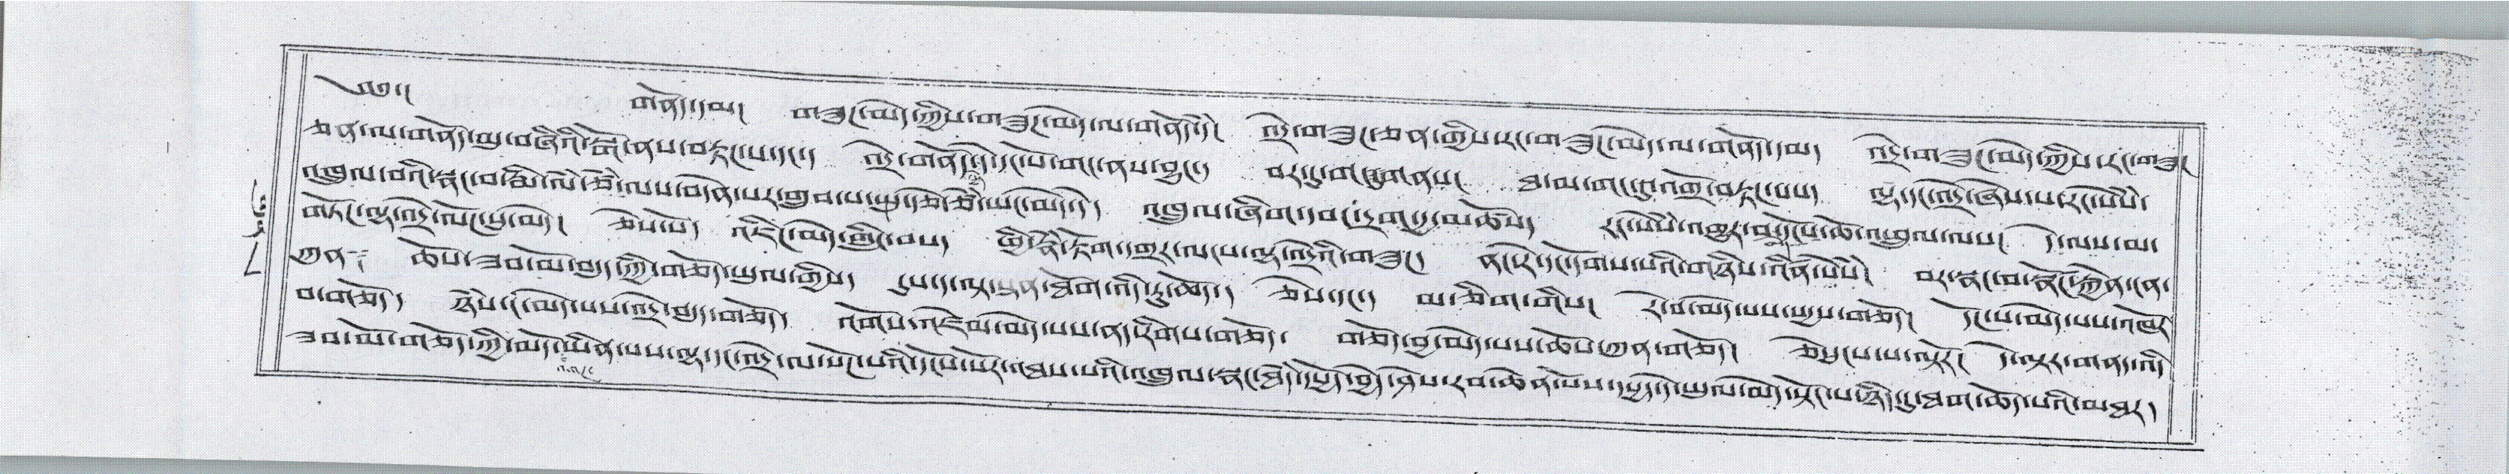གནོད་དམ། གཟུགས་མེད་ཀྱིས་གཟུགས་མེད་ལ་གནོད་དམ། འདྲེ་གཟུགས་ཅན་གྱིས་རང་གཟུགས་མེད་ལ་གནོད་དམ། འདྲེ་གཟུགས་མེད་ཀྱིས་རང་གཟུགས་
ཅན་ལ་གནོད་མུ་བཞིའི་སྒོ་ནས་བརྟགས་པ་དང་། འདྲེ་གནོད་བྱེད་དེ་དང་པོ་གང་ནས་བྱུང་། བར་དུ་གང་དུ་གནས། ཐ་མ་གང་དུ་འགྲོ་བརྟགས་པས། ལྷ་དང་འདྲེ་ཞེས་པ་རང་སེམས་
འཁྲུལ་པའི་སྣང་བ་རྨི་ལམ་ཙམ་ལས་བདེན་པར་གྲུབ་པ་སྤུ་རྩེ་ཙམ་ཡང་མེད་དེ། འཁྲུལ་ཞིག་དབང་དྲག་རྒྱ་མཚོས། རང་སེམས་འགྱུར་བ་དངོས་མེད་ཆོ་འཕྲུལ་ལས། དེ་ལས་མ་
གཏོགས་ལྷ་འདྲེ་ལོགས་སུ་མེད། ཅེས་སོ། འཇིགས་མེད་གླིང་པས། ཕྱི་རྣམ་རྟོག་དགྲར་ལངས་ལྷ་འདྲེའི་གཟུགས། ནང་རེ་དང་དྭོགས་པའི་གཉིས་འཛིན་སེམས། བར་སྣང་བ་སྣ་ཚོགས་རྐྱེན་ངན་
ཀུན། ཆོས་ཟབ་མོ་བདུད་ཀྱི་གཅོད་ཡུལ་གྱིས། དུས་ད་ལྟ་སྟན་ཐོག་འདི་རུ་ཆོད། ཅེས་དང་། མ་ཅིག་གིས། རེ་བ་མེད་པས་སངས་རྒྱས་གཅོད། དྭོགས་པ་མེད་པས་འཁོར་
བ་གཅོད། ཉམས་ང་མེད་པས་འདྲེ་བདུད་གཅོད། འགོས་འཛེམས་མེད་པས་ནད་རིགས་གཅོད། གཅོད་བྱ་མེད་པས་ཆོས་ཀུན་གཅོད། ཅེས་གསུངས་པ་ལྟར་རོ། དེ་ལྟར་གནད་འདི་
ཟབ་མོ་གཅོད་ཀྱི་མདོ་འགག་ཡིན་པས་ལྷ་དང་འདྲེ་ལ་སོགས་པའི་དངོས་པོར་འཐས་པའི་འཁྲུལ་སྣང་ཐམས་ཅད་དཔྱོད་བྱེད་ཤེས་རབ་ཆེན་པོས་དཔྱད་དེ་ཡུལ་མེད་སྟོང་པ་ཉིད་དུ་ཐག་ཆོད་པའི་མཐར་